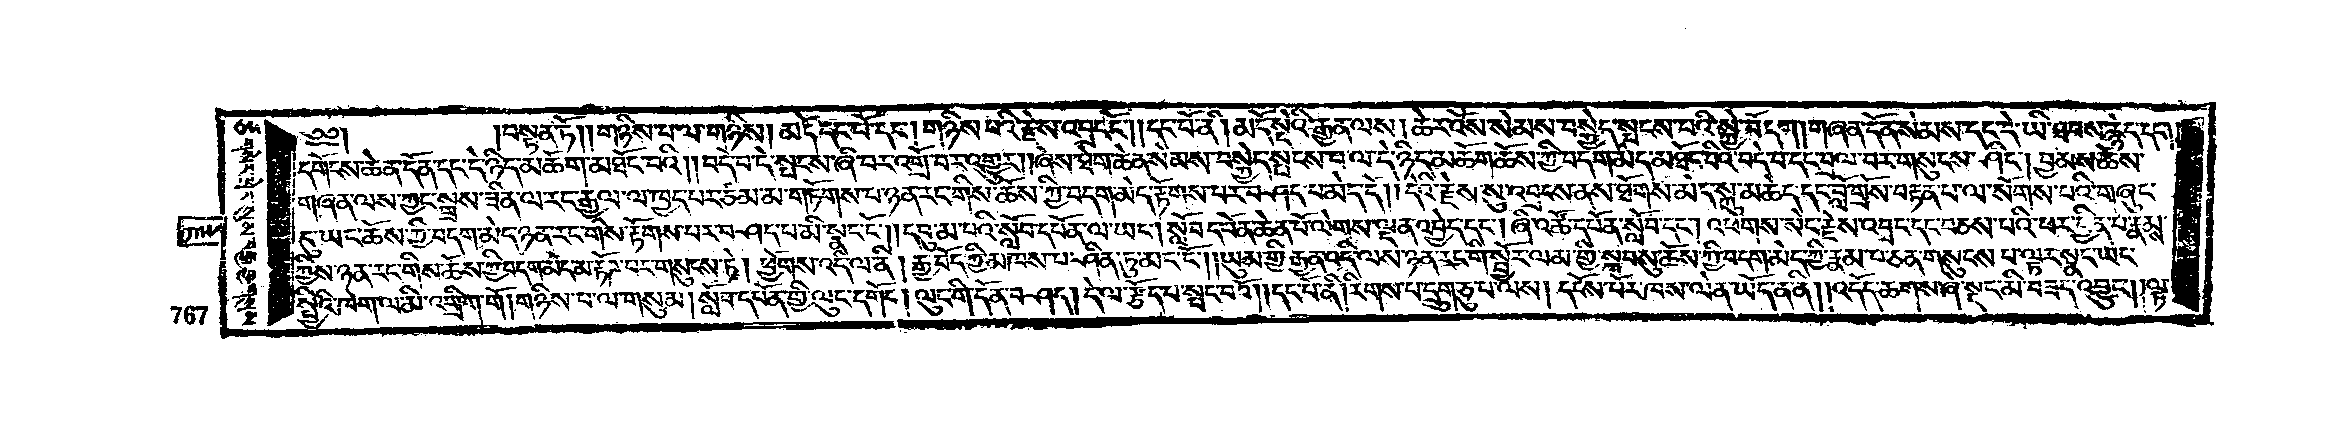༄༅། །བསྟན་ཏོ། །གཉིས་པ་ལ་གཉིས། མདོ་དང་པོ་དང་། གཉིས་པའི་རྗེས་འབྲང་ངོ། །དང་པོ་ནི། མདོ་སྡེའི་རྒྱན་ལས། ཆེར་འོས་སེམས་བསྐྱེད་སྤངས་པའི་སྐྱེ་བ་དག །གཞན་དོན་སེམས་དང་དེ་ཡི་ཐབས་རྙེད་དང་།
དགོངས་ཆེན་དོན་དང་དེ་ཉིད་མཆོག་མཐོང་བའི། །བདེ་བ་དེ་སྤངས་ཞི་བར་འགྲོ་བར་འགྱུར། །ཞེས་ཐེག་ཆེན་སེམས་བསྐྱེད་སྤངས་པ་ལ་དེ་ཉིད་མཆོག་ཆོས་ཀྱི་བདག་མེད་མཐོང་བའི་བདེ་བ་དང་བྲལ་བར་གསུངས་ཤིང་། བྱམས་ཆོས་
གཞན་ལས་ཀྱང་སྒྲས་ཟིན་ལ་རང་རྒྱལ་ལ་ཁྱད་པར་ཙམ་མ་གཏོགས་པ་ཉན་རང་གིས་ཆོས་ཀྱི་བདག་མེད་རྟོགས་པར་བཤད་པ་མེད་དོ། །དེའི་རྗེས་སུ་འབྲངས་ནས་ཐོགས་མེད་སྐུ་མཆེད་དང་བློ་གྲོས་བརྟན་པ་ལ་སོགས་པའི་གཞུང་
དུ་ཡང་ཆོས་ཀྱི་བདག་མེད་ཉན་རང་གིས་རྟོགས་པར་བཤད་པ་མི་སྣང་ངོ། །དབུ་མ་པའི་སློབ་དཔོན་ལ་ཡང་། སློབ་དཔོན་ཆེན་པོ་ལེགས་ལྡན་འབྱེད་དང་། ཞི་འཚོ་དཔོན་སློབ་དང་། འཕགས་སེང་རྗེས་འབྲང་དང་བཅས་པའི་ཕར་ཕྱིན་པ་རྣམས་
ཀྱིས་ཉན་རང་གིས་ཆོས་ཀྱི་བདག་མེད་མ་རྟོགས་པར་གསུངས་ཏེ། ཕྱོགས་འདི་ལ་ནི། རྒྱ་བོད་ཀྱི་མཁས་པ་ཤིན་ཏུ་མང་ངོ། །ཡུམ་གྱི་རྒྱན་འདི་ལས་ཉན་རང་གི་སྦྱོར་ལམ་གྱི་སྐབས་སུ་ཆོས་ཀྱི་བདག་མེད་ཀྱི་རྣམ་པ་ཅན་གསུངས་པ་ལྟར་སྣང་ཡང་
སྤྱིའི་ཁོག་ལ་མི་འགྲིག་གོ །གཉིས་པ་ལ་གསུམ། སློབ་དཔོན་གྱི་ལུང་དགོད། ལུང་གི་དོན་བཤད། དེ་ལ་རྩོད་པ་སྤང་བའོ། །དང་པོ་ནི། རིགས་པ་དྲུག་ཅུ་པ་ལས། དངོས་པོར་ཁས་ལེན་ཡོད་ན་ནི། །འདོད་ཆགས་ཞེ་སྡང་མི་བཟད་འབྱུང་། །ལྟ་